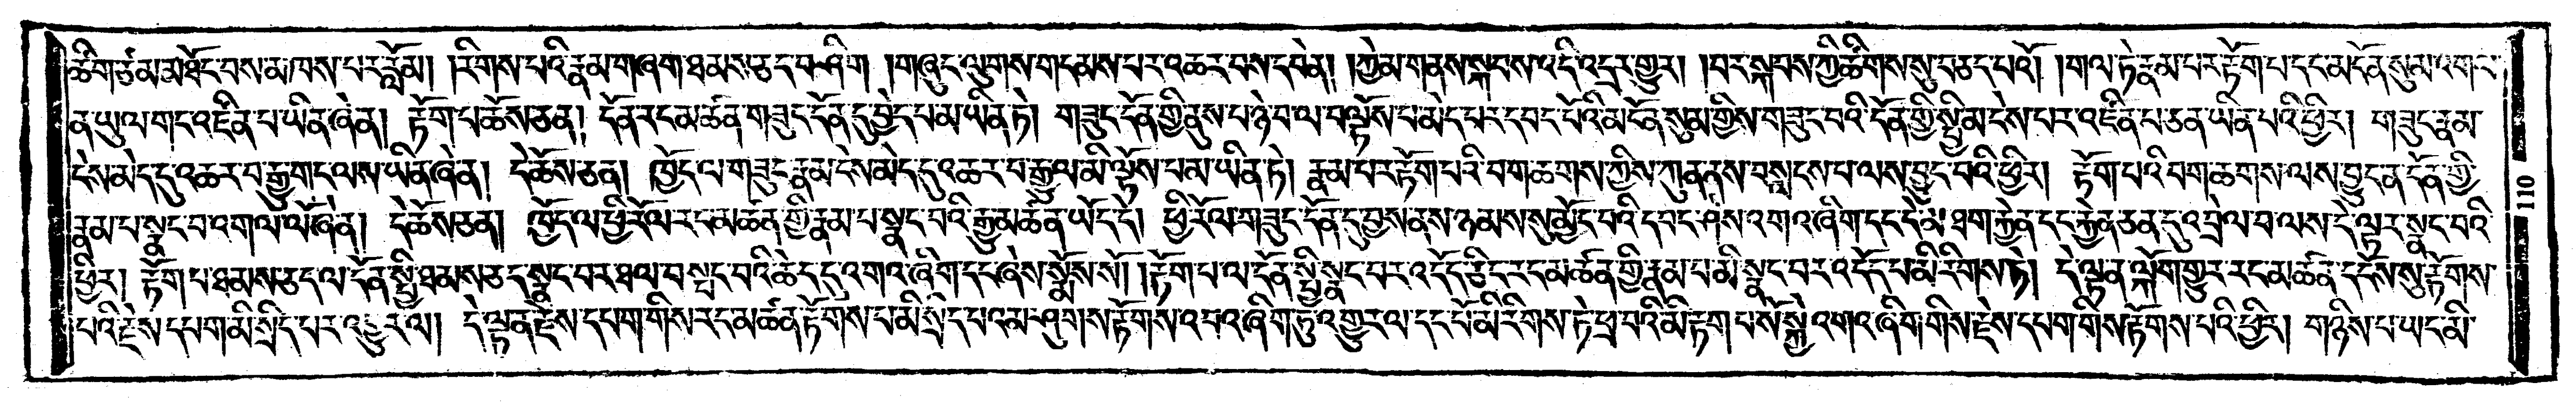ཚིག་ཙམ་མཐོང་བས་མཁས་པར་རློམ། །རིགས་པའི་རྣམ་གཞག་ཐམས་ཅད་བཤིག །གཞུང་ལུགས་གདམས་པར་འཆར་བས་དབེན། །ཀྱེ་མ་གནས་སྐབས་འདི་འདྲར་གྱུར། །བར་སྐབས་ཀྱི་ཚིགས་སུ་བཅད་པའོ། །གལ་ཏེ་རྣམ་པར་རྟོག་པ་དང་མངོན་སུམ་འགལ་
ན་ཡུལ་གང་འཛིན་པ་ཡིན་ཞེ་ན། རྟོག་པ་ཆོས་ཅན། དོན་རང་མཚན་གཟུང་དོན་དུ་བྱེད་པ་མ་ཡིན་ཏེ། གཟུང་དོན་གྱི་ནུས་པ་ཉེ་བ་ལ་བལྟོས་པ་མེད་པར་དབང་པོའི་མངོན་སུམ་གྱིས་གཟུང་བའི་དོན་གྱི་སྤྱི་མ་ངེས་པར་འཛིན་པ་ཅན་ཡིན་པའི་ཕྱིར། གཟུང་རྣམ་
ངེས་མེད་དུ་འཆར་བ་རྒྱུ་གང་ལས་ཡིན་ཞེ་ན། དེ་ཆོས་ཅན། ཁྱོད་ལ་གཟུང་རྣམ་ངེས་མེད་དུ་འཆར་བ་རྒྱུ་ལ་མི་ལྟོས་པ་མ་ཡིན་ཏེ། རྣམ་པར་རྟོག་པའི་བག་ཆགས་ཀྱིས་ཀུན་ནས་བསླངས་པ་ལས་བྱུང་བའི་ཕྱིར། རྟོག་པའི་བག་ཆགས་ལས་བྱུང་ན་དོན་གྱི་
རྣམ་པ་སྣང་བ་འགལ་ལོ་ཞེ་ན། དེ་ཆོས་ཅན། ཁྱོད་ལ་ཕྱི་རོལ་རང་མཚན་གྱི་རྣམ་པ་སྣང་བའི་རྒྱུ་མཚན་ཡོད་དེ། ཕྱི་རོལ་གཟུང་དོན་དུ་བྱས་ནས་ཉམས་སུ་མྱོང་བའི་དབང་ཤེས་འགའ་ཞིག་དང་དེ་མ་ཐག་རྐྱེན་དང་རྐྱེན་ཅན་དུ་འབྲེལ་བ་ལས་དེ་ལྟར་སྣང་བའི་
ཕྱིར། རྟོག་པ་ཐམས་ཅད་ལ་དོན་སྤྱི་ཐམས་ཅད་སྣང་བར་ཐལ་བ་སྤང་བའི་ཆེད་དུ་འགའ་ཞིག་དང་ཞེས་སྨོས་སོ། །རྟོག་པ་ལ་དོན་སྤྱི་སྣང་བར་འདོད་ཅིང་རང་མཚན་གྱི་རྣམ་པ་མི་སྣང་བར་འདོད་པ་མི་རིགས་ཏེ། དེ་ལྟ་ན་ལྐོག་གྱུར་རང་མཚན་དངོས་སུ་རྟོགས་
པའི་རྗེས་དཔག་མི་སྲིད་པར་འགྱུར་ལ། དེ་ལྟ་ན་རྗེས་དཔག་གིས་རང་མཚན་རྟོགས་པ་མི་སྲིད་པའམ་ཤུགས་རྟོགས་འབའ་ཞིག་ཏུ་འགྱུར་ལ་དང་པོ་མི་རིགས་ཏེ་ཕྲ་བའི་མི་རྟག་པ་སོ་སྐྱེ་འགའ་ཞིག་གིས་རྗེས་དཔག་གིས་རྟོགས་པའི་ཕྱིར། གཉིས་པ་ཡང་མི་